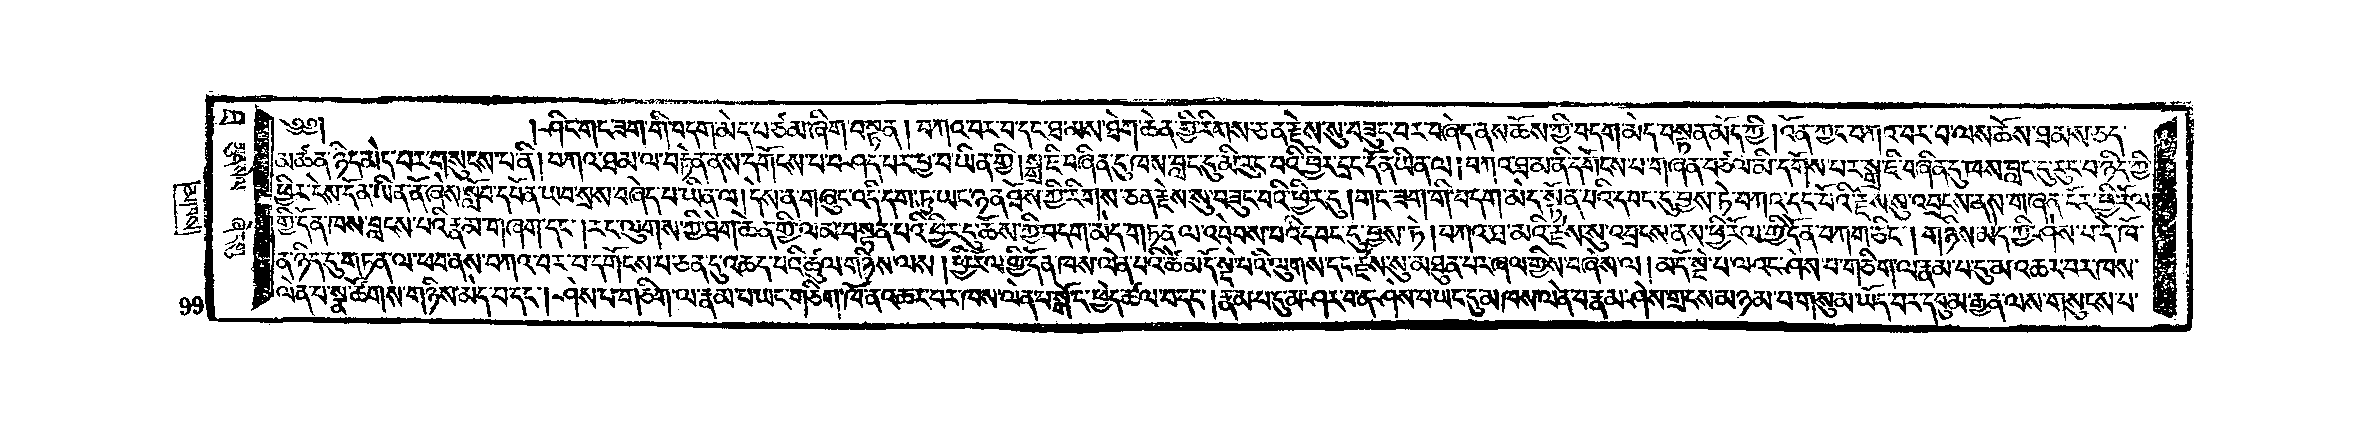༄༅། །ཤིང་གང་ཟག་གི་བདག་མེད་པ་ཙམ་ཞིག་བསྟན། བཀའ་བར་བ་དང་ཐ་མས་ཐེག་ཆེན་གྱི་རིགས་ཅན་རྗེས་སུ་བཟུང་བར་བཞེད་ནས་ཆོས་ཀྱི་བདག་མེད་བསྟན་མོད་ཀྱི། འོན་ཀྱང་བཀའ་བར་པ་ལས་ཆོས་ཐམས་ཅད་
མཚན་ཉིད་མེད་པར་གསུངས་པ་ནི། བཀའ་ཐ་མ་ལ་བརྟེན་ནས་དགོངས་པ་བཤད་པར་བྱ་བ་ཡིན་གྱི། སྒྲ་ཇི་བཞིན་དུ་ཁས་བླང་དུ་མི་རུང་བའི་ཕྱིར་དྲང་དོན་ཡིན་ལ། བཀའ་ཐ་མ་ནི་དགོངས་པ་གཞན་བཙལ་མི་དགོས་པར་སྒྲ་ཇི་བཞིན་དུ་ཁས་བླང་དུ་རུང་བ་ཉིད་ཀྱི་
ཕྱིར་ངེས་དོན་ཡིན་ནོ་ཞེས་སློབ་དཔོན་ཡབ་སྲས་བཞེད་པ་ཡིན་ལ། དེས་ན་གཞུང་འདི་དག་ཏུ་ཡང་ཉན་ཐོས་ཀྱི་རིགས་ཅན་རྗེས་སུ་བཟུང་བའི་ཕྱིར་དུ། གང་ཟག་གི་བདག་མེད་སྟོན་པའི་དབང་དུ་བྱས་ཏེ་བཀའ་དང་པོའི་རྗེས་སུ་འབྲངས་ནས་གཞན་ངོར་ཕྱི་རོལ་
གྱི་དོན་ཁས་བླངས་པའི་རྣམ་གཞག་དང་། རང་ལུགས་ཀྱི་ཐེག་ཆེན་གྱི་ལམ་བསྟན་པའི་ཕྱིར་དུ་ཆོས་ཀྱི་བདག་མེད་གཏན་ལ་འབེབས་པའི་དབང་དུ་བྱས་ཏེ། བཀའ་ཐ་མའི་རྗེས་སུ་འབྲངས་ནས་ཕྱི་རོལ་གྱི་དོན་བཀག་ཅིང་། གཉིས་མེད་ཀྱི་ཤེས་པ་དེ་ཁོ་
ན་ཉིད་དུ་གཏན་ལ་ཕབ་ནས་བཀའ་བར་པ་དགོངས་པ་ཅན་དུ་འཆད་པའི་ཚུལ་གཉིས་ལས། ཕྱི་རོལ་གྱི་དོན་ཁས་ལེན་པའི་ཚེ་མདོ་སྡེ་པའི་ལུགས་དང་རྗེས་སུ་མཐུན་པར་ཞལ་གྱིས་བཞེས་ལ། མདོ་སྡེ་པ་ལའང་ཤེས་པ་གཅིག་ལ་རྣམ་པ་དུ་མ་འཆར་བར་ཁས་
ལེན་པ་སྣ་ཚོགས་གཉིས་མེད་པ་དང་། ཤེས་པ་གཅིག་ལ་རྣམ་པ་ཡང་གཅིག་ཁོ་ན་འཆར་བར་ཁས་ལེན་པ་སྒོ་ང་ཕྱེད་ཚལ་བ་དང་། རྣམ་པ་དུ་མ་ཤར་བ་ན་ཤེས་པ་ཡང་དུ་མ་ཁས་ལེན་པ་རྣམ་ཤེས་གྲངས་མཉམ་པ་གསུམ་ཡོད་པར་དབུ་མ་རྒྱན་ལས་གསུངས་པ་